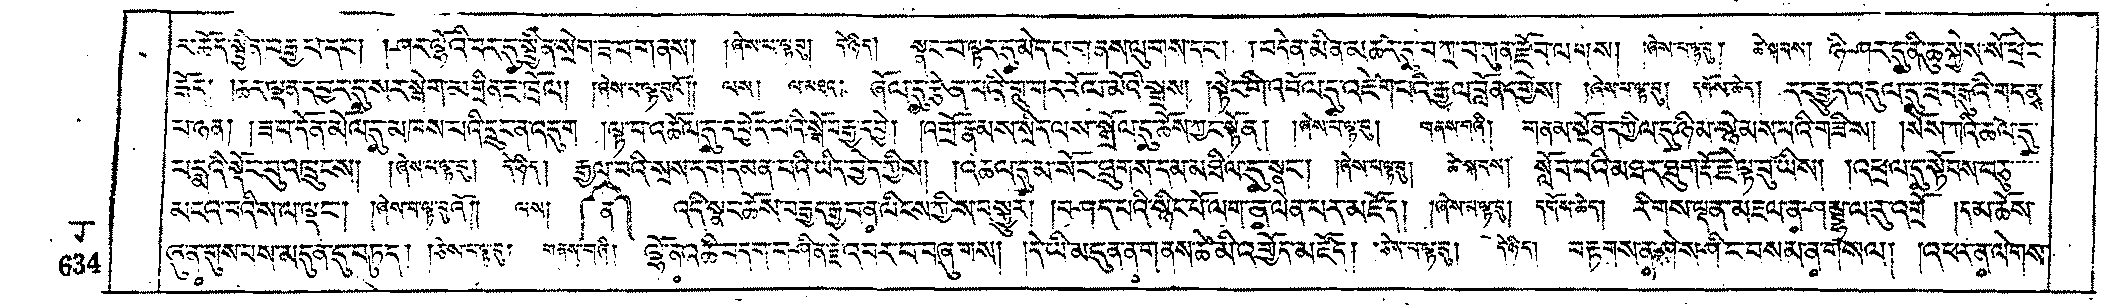མཆོད་སྦྱིན་བརྒྱ་པ་དང་། །ཤར་ལྷོའི་བར་དུ྾་སྦྱིན་སྲེག་ཟ་བ་གནས། །ཞེས་པ་ལྟ་བུ། དེ་ཉིད།  སྣང་བ་ལྟར་དུ྾་མེད་པ་གནས་ལུགས་དང་། །བདེན་མིན་མཚར་དུ྾་བཀྲ་བ་ཀུན་རྫོབ་ལགས། །ཞེས་པ་ལྟ་བུ། ཚེ་སྐབས།  ཉི་ཤར་དུ྾་ནི་ཆུ་སྐྱེས་སོ་ཕྲེང་
རྒོད། །ཆར་ལྡན་དབྱར་དུ྾་སར་སྒེག་མགྲིན་རྔ་ཁྲོལ། །ཞེས་པ་ལྟ་བུའོ།། ལས། ལ་མཐའ།  ཞོལ་དུ྾་རྩེན་པའི་གླུ་གར་རོལ་མོའི་སྒྲས། །སྟེང་གི་འབོལ་དུ྾་འཛེག་པའི་རྒྱལ་བློན་དགྱེས། །ཞེས་པ་ལྟ་བུ། དགོས་ཆེད།  རང་རྒྱུད་འདུལ་དུ྾་ཟབ་རྒུའི་གདམས་
པ་ཉན། །ཟབ་དོན་མོལ་དུ྾་མཁས་པའི་དྲུང་ན་འདུག །ལྟ་བ་འཚོལ་དུ྾་དཔྱོད་པའི་སྒོ་བརྒྱ་དབྱེ། །འགྲོ་རྣམས་སྲིད་ལས་སྒྲོལ་དུ྾་ཆོས་ཀྱང་སྟོན། །ཞེས་པ་ལྟ་བུ། གནས་གཞི།  གནམ་སྔོན་དཀྱིལ་དུ྾་ཉི་མ་སྙེམས་པའི་གཟིས། །སོས་ཀའི་ཚལ་དུ྾་
པདམའི་སྡོང་བུ་འཁྲུངས། །ཞེས་པ་ལྟ་བུ། དེ་ཉིད།  རྒྱལ་བའི་སྲས་དག་དམན་པའི་ཡིད་བྱེད་ཀྱིས། །འཆལ་དུ྾་མ་སོང་ཐུགས་དམ་མཐིལ་དུ྾་སྣང་། །ཞེས་པ་ལྟ་བུ། ཚེ་སྐབས།  སློབ་པའི་མཐར་ཐུག་རྡོ་རྗེ་ལྟ་བུ་ཡིས། །འཕྲལ་དུ྾་སྟོབས་བཅུ་་་
མངའ་བའི་ས་ལ་ལྡང་། །ཞེས་པ་ལྟ་བུའོ།། ལས།  ༼ན༽ འདི་སྣང་ཆོས་བརྒྱད་རྒྱབ་ན྾་ལིངས་ཀྱིས་བསྐྱུར། །བཤད་པའི་སྙིང་པོ་ལག་ན྾་ལེན་པར་མཛོད། །ཞེས་པ་ལྟ་བུ། དགོས་ཆེད།  རིགས་ལྡན་མཇལ་ན྾་ཤམྦྷ་ལ་རུ་འགྲོ་།དམ་ཆོས་
ཞུན྾་གུས་པས་མདུན་དུ་བཏུད། །ཅེས་པ་ལྟ་བུ། གནས་གཞི།  ལྷོ་ན྾་འཆི་བདག་གཤིན་རྗེ་འབར་བ་བཞུགས། །དེ་ཡི་མདུན་ན྾་གནས་ཚེ་མི་འགྱོད་མཛོད། །ཅེས་པ་ལྟ་བུ། དེ་ཉིད།  བརྟགས་ན྾་ཤེས་ཤིང་བསམ་ན྾་གསལ། །འཕར་ན྾་ལེགས་